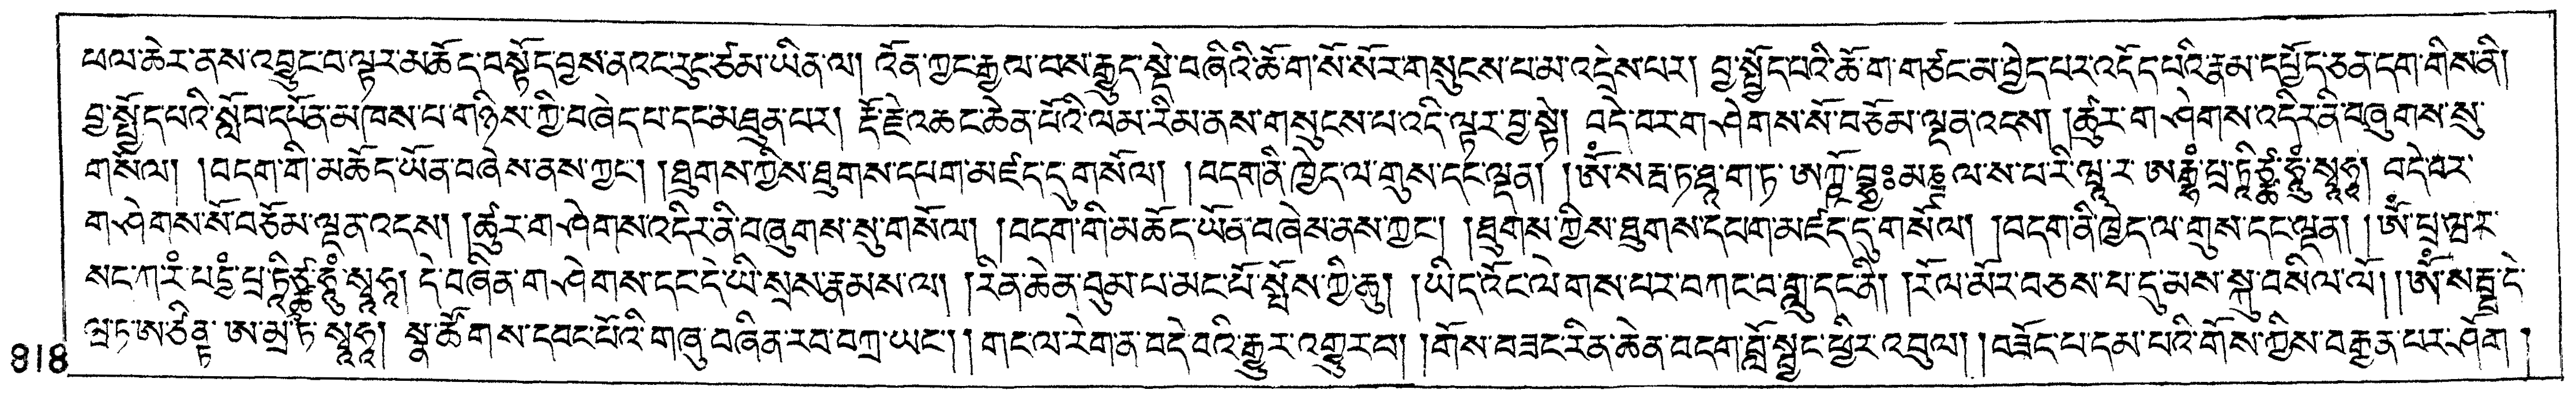ཕལ་ཆེར་ནས་འབྱུང་བ་ལྟར་མཆོད་བསྟོད་བྱས་ནའང་རུང་ཙམ་ཡིན་ལ། འོན་ཀྱང་རྒྱལ་བས་རྒྱུད་སྡེ་བཞིའི་ཆོ་ག་སོ་སོར་གསུངས་པ་མ་འདྲེས་པར། བྱ་སྤྱོད་པའི་ཆོ་ག་གཙང་མ་བྱེད་པར་འདོད་པའི་རྣམ་དཔྱོད་ཅན་དག་གིས་ནི།
བྱ་སྤྱོད་པའི་སློབ་དཔོན་མཁས་པ་གཉིས་ཀྱི་བཞེད་པ་དང་མཐུན་པར། རྡོ་རྗེ་འཆང་ཆེན་པོའི་ལམ་རིམ་ནས་གསུངས་པ་འདི་ལྟར་བྱ་སྟེ། བདེ་བར་གཤེགས་སོ་བཅོམ་ལྡན་འདས། །ཚུར་གཤེགས་འདིར་ནི་བཞུགས་སུ་
གསོལ། །བདག་གི་མཆོད་ཡོན་བཞེས་ནས་ཀྱང་། །ཐུགས་ཀྱིས་ཐུགས་དཔག་མཛད་དུ་གསོལ། །བདག་ནི་ཁྱེད་ལ་གུས་དང་ལྡན། །ཨོཾ་སརྦ་ཏ་ཐཱ་ག་ཏ་ཨཀྵོ་བྷྱཿ མཎྜ་ལ་ས་པ་རི་ཝཱ་ར་ཨརྒྷཾ་པྲ་ཏཱི་ཙྪ་ཧཱུཾ་སྭཱཧཱ། བདེ་བར་
གཤེགས་སོ་བཅོམ་ལྡན་འདས། །ཚུར་གཤེགས་འདིར་ནི་བཞུགས་སུ་གསོལ། །བདག་གི་མཆོད་ཡོན་བཞེས་ནས་ཀྱང་། །ཐུགས་ཀྱིས་ཐུགས་དཔག་མཛད་དུ་གསོལ། །བདག་ནི་ཁྱེད་ལ་གུས་དང་ལྡན། །ཨོཾ་པྲ་ཝ་ར་
སད་ཀ་རཾ་པདྱཾ་པྲ་ཏཱི་ཙྪ་ཧཱུཾ་སྭཱཧཱ། དེ་བཞིན་གཤེགས་དང་དེ་ཡི་སྲས་རྣམས་ལ། །རིན་ཆེན་བུམ་པ་མང་པོ་སྤོས་ཀྱི་ཆུ། །ཡིད་འོང་ལེགས་པར་བཀང་བ་གླུ་དང་ནི། །རོལ་མོར་བཅས་པ་དུ་མས་སྐུ་བསིལ་ལོ། །ཨོཾ་སརྦྦ་དེ་
ཝ་ཏ་ཨ་ཙིནྟ་ཨ་མྲྀ་ཏ་སྭཱཧཱ། སྣ་ཚོགས་དབང་པོའི་གཞུ་བཞིན་རབ་བཀྲ་ཡང་། །གང་ལ་རེག་ན་བདེ་བའི་རྒྱུར་འགྱུར་བ། །གོས་བཟང་རིན་ཆེན་བདག་བློ་སྦྱང་ཕྱིར་འབུལ། །བཟོད་པ་དམ་པའི་གོས་ཀྱིས་བརྒྱན་པར་ཤོག །